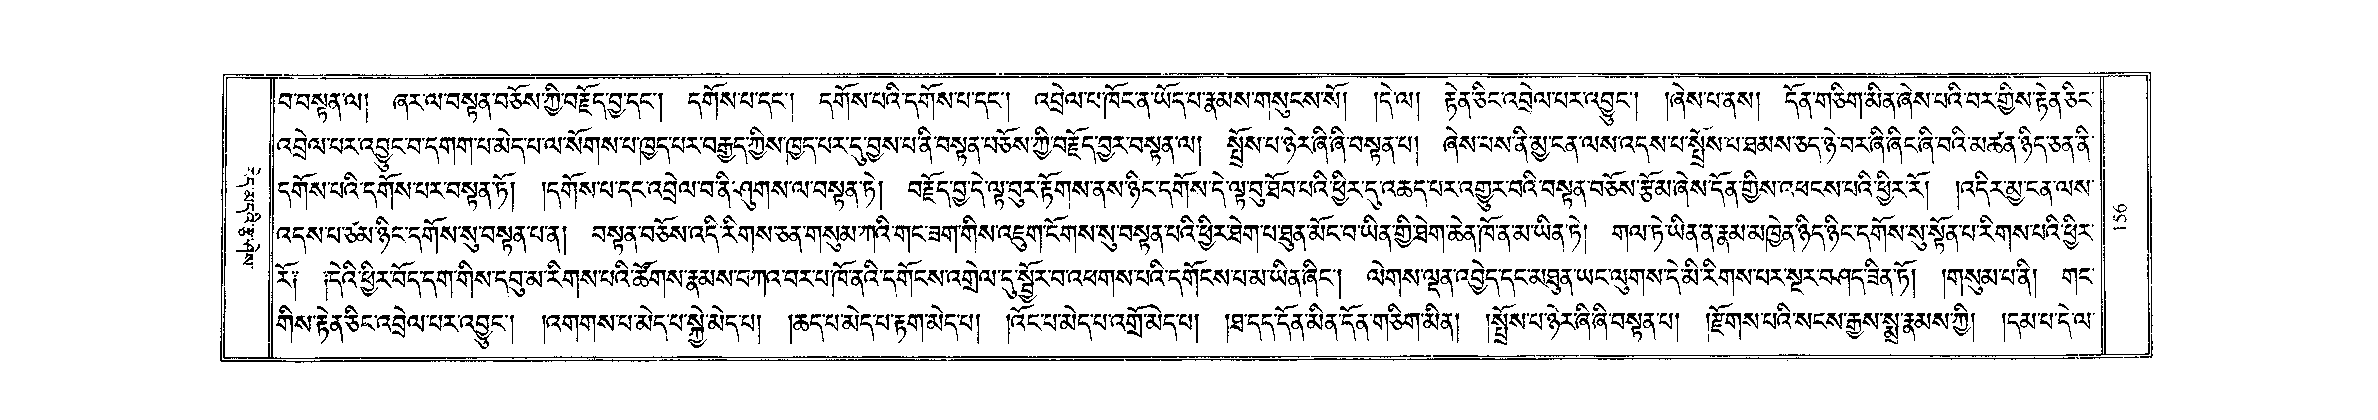བ་བསྟན་ལ། ཞར་ལ་བསྟན་བཅོས་ཀྱི་བརྗོད་བྱ་དང་། དགོས་པ་དང་། དགོས་པའི་དགོས་པ་དང་། འབྲེལ་པ་ཁོང་ན་ཡོད་པ་རྣམས་གསུངས་སོ། །དེ་ལ། རྟེན་ཅིང་འབྲེལ་པར་འབྱུང་། །ཞེས་པ་ནས། དོན་གཅིག་མིན་ཞེས་པའི་བར་གྱིས་རྟེན་ཅིང་
འབྲེལ་པར་འབྱུང་བ་དགག་པ་མེད་པ་ལ་སོགས་པ་ཁྱད་པར་བརྒྱད་ཀྱིས་ཁྱད་པར་དུ་བྱས་པ་ནི་བསྟན་བཅོས་ཀྱི་བརྗོད་བྱར་བསྟན་ལ། སྤྲོས་པ་ཉེར་ཞི་ཞིག་བསྟན་པ། ཞེས་པས་ནི་མྱ་ངན་ལས་འདས་པ་སྤྲོས་པ་ཐམས་ཅད་ཉེ་བར་ཞི་ཞིང་ཞི་བའི་མཚན་ཉིད་ཅན་ནི་
དགོས་པའི་དགོས་པར་བསྟན་ཏོ། །དགོས་པ་དང་འབྲེལ་བ་ནི་ཤུགས་ལ་བསྟན་ཏེ། བརྗོད་བྱ་དེ་ལྟ་བུར་རྟོགས་ནས་ཉིང་དགོས་དེ་ལྟ་བུ་ཐོབ་པའི་ཕྱིར་དུ་འཆད་པར་འགྱུར་བའི་བསྟན་བཅོས་རྩོམ་ཞེས་དོན་གྱིས་འཕངས་པའི་ཕྱིར་རོ། །འདིར་མྱ་ངན་ལས་
འདས་པ་ཙམ་ཉིང་དགོས་སུ་བསྟན་པ་ན། བསྟན་བཅོས་འདི་རིགས་ཅན་གསུམ་ཀའི་གང་ཟག་གིས་འཇུག་ངོགས་སུ་བསྟན་པའི་ཕྱིར་ཐེག་པ་ཐུན་མོང་བ་ཡིན་གྱི་ཐེག་ཆེན་ཁོ་ན་མ་ཡིན་ཏེ། གལ་ཏེ་ཡིན་ན་རྣམ་མཁྱེན་ཉིད་ཉིང་དགོས་སུ་སྟོན་པ་རིགས་པའི་ཕྱིར་
རོ༑ ༑དེའི་ཕྱིར་བོད་དག་གིས་དབུ་མ་རིགས་པའི་ཚོགས་རྣམས་བཀའ་བར་པ་ཁོ་ནའི་དགོངས་འགྲེལ་དུ་སྦྱོར་བ་འཕགས་པའི་དགོངས་པ་མ་ཡིན་ཞིང་། ལེགས་ལྡན་འབྱེད་དང་མཐུན་ཡང་ལུགས་དེ་མི་རིགས་པར་སྔར་བཤད་ཟིན་ཏོ། །གསུམ་པ་ནི། གང་
གིས་རྟེན་ཅིང་འབྲེལ་པར་འབྱུང་། །འགགས་པ་མེད་པ་སྐྱེ་མེད་པ། །ཆད་པ་མེད་པ་རྟག་མེད་པ། །འོང་པ་མེད་པ་འགྲོ་མེད་པ། །ཐ་དད་དོན་མིན་དོན་གཅིག་མིན། །སྤྲོས་པ་ཉེར་ཞི་ཞི་བསྟན་པ། །རྫོགས་པའི་སངས་རྒྱས་སྨྲ་རྣམས་ཀྱི། །དམ་པ་དེ་ལ་